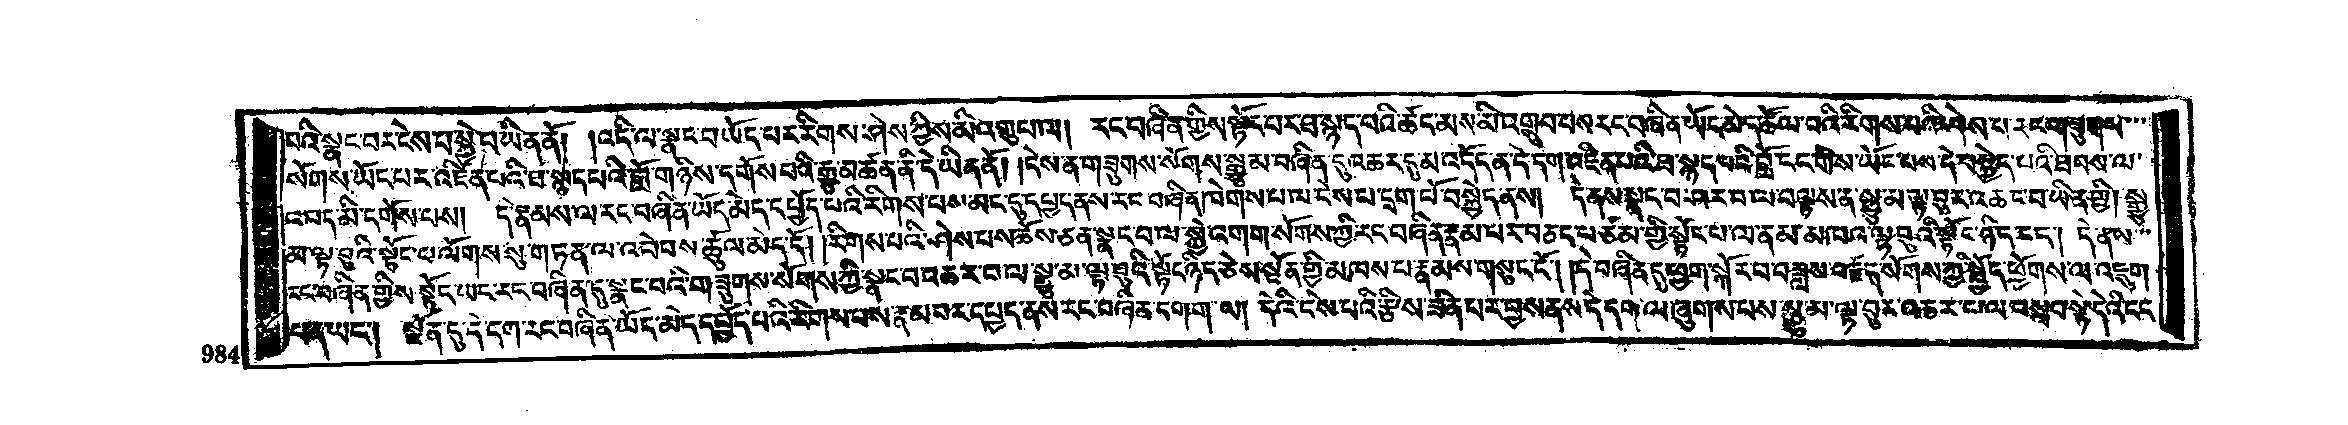པའི་སྣང་བར་ངེས་པ་སྐྱེ་བ་ཡིན་ནོ། །འདི་ལ་སྣང་བ་ཡོད་པར་རིགས་ཤེས་ཀྱིས་མི་འགྲུབ་ལ། རང་བཞིན་གྱིས་སྟོང་བར་ཐ་སྙད་པའི་ཚད་མས་མི་འགྲུབ་པས་རང་བཞིན་ཡོད་མེད་ཚོལ་བའི་རིགས་པའི་ཤེས་པ་དང་གཟུགས་
སོགས་ཡོད་པར་འཛིན་པའི་ཐ་སྙད་པའི་བློ་གཉིས་དགོས་པའི་རྒྱུ་མཚན་ནི་དེ་ཡིན་ནོ། །དེས་ན་གཟུགས་སོགས་སྒྱུ་མ་བཞིན་དུ་འཆར་དུ་མ་འདོད་ན་དེ་དག་འཛིན་པའི་ཐ་སྙད་པའི་བློ་ངང་གིས་ཡོད་པས་དེ་བསྐྱེད་པའི་ཐབས་ལ་
འབད་མི་དགོས་པས། དེ་རྣམས་ལ་རང་བཞིན་ཡོད་མེད་དཔྱོད་པའི་རིགས་པས་མང་དུ་དཔྱད་ནས་རང་བཞིན་ཁེགས་པ་ལ་ངེས་པ་དྲག་པོ་བསྐྱེད་ནས། དེ་ནས་སྣང་བ་ཤར་བ་ལ་བལྟས་ན་སྒྱུ་མ་ལྟ་བུར་འཆར་བ་ཡིན་གྱི། སྒྱུ་
མ་ལྟ་བུའི་སྟོང་པ་ལོགས་སུ་གཏན་ལ་འབེབས་ཚུལ་མེད་དོ། །རིགས་པའི་ཤེས་པས་ཆོས་ཅན་སྣང་བ་ལ་སྐྱེ་འགག་སོགས་ཀྱི་རང་བཞིན་རྣམ་པར་བཅད་པ་ཙམ་གྱི་སྟོང་པ་ལ་ནམ་མཁའ་ལྟ་བུའི་སྟོང་ཉིད་དང་། དེ་ནས་
རང་བཞིན་གྱིས་སྟོང་ཡང་རང་བཞིན་དུ་སྣང་བའི་གཟུགས་སོགས་ཀྱི་སྣང་བ་འཆར་བ་ལ་སྒྱུ་མ་ལྟ་བུའི་སྟོང་ཉིད་ཅེས་སྔོན་གྱི་མཁས་པ་རྣམས་གསུང་ངོ། །དེ་བཞིན་དུ་ཕྱག་སྐོར་བ་བཟླས་བརྗོད་སོགས་ཀྱི་སྤྱོད་ཕྱོགས་ལ་འཇུག་
པ་ན་ཡང་། སྔོན་དུ་དེ་དག་རང་བཞིན་ཡོད་མེད་དཔྱོད་པའི་རིགས་པས་རྣམ་པར་དཔྱད་ནས་རང་བཞིན་དགག་ལ། དེའི་ངེས་པའི་རྩིས་ཟིན་པར་བྱས་ནས་དེ་དག་ལ་ཞུགས་པས་སྒྱུ་མ་ལྟ་བུར་འཆར་བ་ལ་བསླབ་སྟེ་དེའི་ངང་